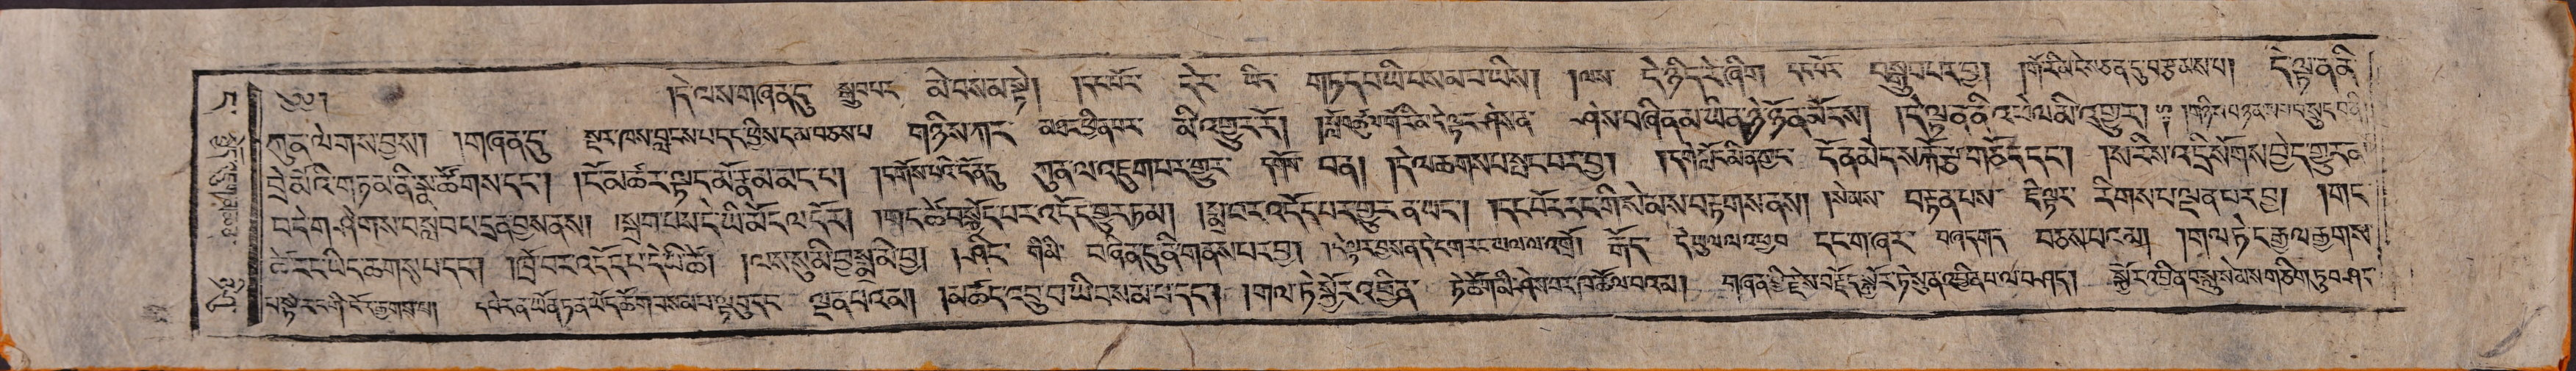༄༅། །དེ་ལས་གཞན་དུ་སྒྲུབ་པར་མི་བསམ་སྟེ། །དང་པོར་དེར་ཡིད་གཏོད་པ་ཡི་བསམ་པ་ཡིས། །ལས་དེ་ཉིད་རེ་ཞིག་དང་པོར་བསྒྲུབ་པར་བྱ། །གོ་རིམ་ངེས་ཅན་དུ་བརྩམས་པ།  དེ་ལྟ་ན་ནི་
ཀུན་ལེགས་བྱས། །གཞན་དུ་སྔར་ཁས་བླངས་པ་དང་ཕྱིས་དམ་བཅས་པ་གཉིས་ཀར་མཐར་ཕྱིན་པར་མི་འགྱུར་རོ། །སློབ་ཚུལ་གོ་རིམ་དེ་ལྟར་ཤེས་ན་ཤེས་བཞིན་མ་ཡིན་ཉེ་ཉོན་མོངས། །དེ་ལྟ་ན་ནི་འཕེལ་མི་འགྱུར། ༈ །གཉིས་པ་ཉམས་པ་བསྲུང་བ་ནི། བྲེ་མོའི་གཏམ་ནི་སྣ་ཚོགས་དང་། །ངོ་མཚར་ལྟད་མོ་རྣམ་མང་པོ། །དགོས་པའི་དོན་དུ་ཀུན་ལ་འཇུག་པར་གྱུར་དགོས་པ་ན། །དེ་ལ་ཆགས་པ་སྤང་བར་བྱ། །དགེ་སློང་མིན་ཀྱང་དོན་མེད་ས་རྐོ་རྩ་གཅོད་དང་། །ས་རིས་འདྲི་སོགས་བྱེད་གྱུར་ན། །
བདེ་གཤེགས་བསླབ་པ་དྲན་བྱས་ནས། །སྐྲག་པས་དེ་ཡི་མོད་ལ་དོར། །གང་ཚེ་བསྐྱོད་པར་འདོད་གྱུར་ཏམ། །སྨྲ་བར་འདོད་པར་གྱུར་ན་ཡང་། །དང་པོར་རང་གི་སེམས་བརྟགས་ནས། །སེམས་་བརྟན་པས་ཇི་ལྟར་རིགས་པ་ལྡན་པར་བྱ། །གང་
ཚེ་རང་ཡིད་ཆགས་པ་དང་། །ཁྲོ་བར་འདོད་པ་དེ་ཡི་ཚེ། །ལས་སུ་མི་བྱ་སྨྲ་མི་བྱ། །ཤིང་གི་མི་བཞིན་དུ་ནི་གནས་པར་བྱ། །དེ་ལྟར་བྱས་ན་དེ་དག་རང་ཡལ་ལ་འགྲོ།  རྒོད་དེ་ཡུལ་ལ་འཕྱེ་བ།  དང་གཞར་བཞད་གད་བཅས་པའམ། །གལ་ཏེ་ང་རྒྱལ་རྒྱགས་
པ་སྟེ་རང་གི་ངོར་རྒྱགས་པ། དཔེར་ན་ཡོན་ཏན་ཡོད་ཆོག་བསམ་པ་ལྟ་བུ་དང་ལྡན་པའམ། །མཚང་འབྲུ་བ་ཡི་བསམ་པ་དང་། །གལ་ཏེ་སྐྱོར་འབྱིན་ཏེ་ཆོག་མི་ཤེས་པར་ཁེ་ཚོལ་བའམ། །གཞན་གྱི་རྗེས་བརྗོད་སྐྱོར་ཏེ་སུན་འབྱིན་པ་ལ་བཤད། སྐྱོར་འབྱིན་བསླུ་སེམས་གཅིག་ཏུ་བཤད་